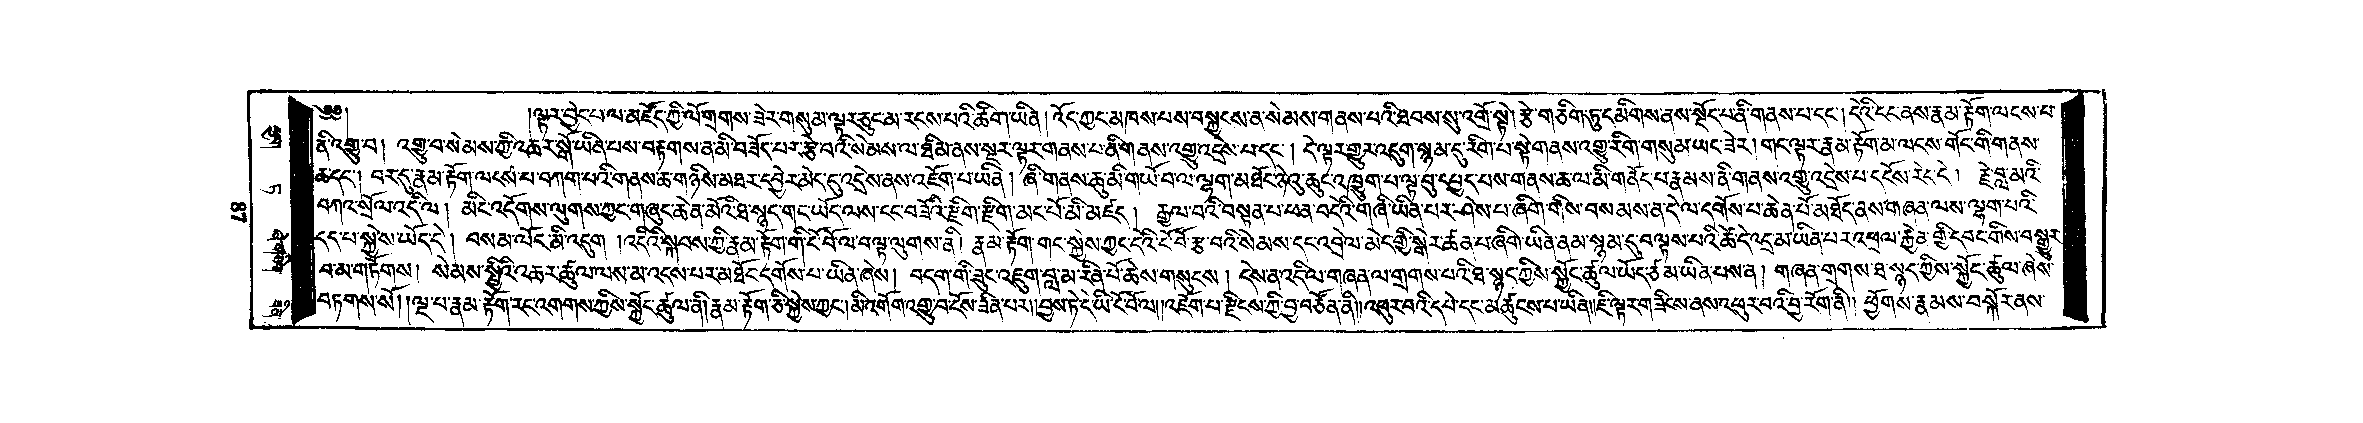༄༅། །ལྟར་བྱེད་པ་ལ་མཛོད་ཀྱི་ལོ་གྲགས་ཟེར་གསུམ་ལྟར་ཅུང་མ་རངས་པའི་ཚིག་ཡིན། འོད་ཀྱང་མཁས་པས་བསྐྱངས་ན་སེམས་གནས་པའི་ཐབས་སུ་འགྲོ་སྟེ། རྩེ་གཅིག་ཏུ་དམིགས་ནས་སྡོད་པ་ནི་གནས་པ་དང་། དེའི་ངང་ནས་རྣམ་རྟོག་ལངས་པ་
ནི་འགྱུ་བ། འགྱུ་བ་སེམས་ཀྱི་འཆར་སྒོ་ཡིན་པས་བརྟགས་ན་མི་བཟོད་པར་རྩེ་བའི་སེམས་ལ་ཐིམ་ནས་སྔར་ལྟར་གནས་པ་ནི་གནས་འགྱུ་འདྲེས་པ་དང་། དེ་ལྟར་གྱུར་འདུག་སྙམ་དུ་རིག་པ་སྟེ་གནས་འགྱུ་རིག་གསུམ་ཡང་ཟེར། གང་ལྟར་རྣམ་རྟོག་མ་ལངས་གོང་གི་གནས་
ཆ་དང་། བར་དུ་རྣམ་རྟོག་ལངས་པ་བཀག་པའི་གནས་ཆ་གཉིས་མཐར་དབྱེར་མེད་དུ་འདྲེས་ནས་འཇོག་པ་ཡིན། ཞི་གནས་ཆུ་མི་གཡོ་བ་ལ་ལྷག་མཐོང་ཉེའུ་ཆུང་འཁྱུག་པ་ལྟ་བུ་དཔྱད་པས་གནས་ཆ་ལ་མི་གནོད་པ་རྣམས་ནི་གནས་འགྱུ་འདྲེས་པ་དངོས་རེད་དེ། རྗེ་བླ་མའི་
བཀའ་སྲོལ་འདི་ལ། མིང་འདོགས་ལུགས་ཀྱང་གཞུང་ཆེན་མོའི་ཐ་སྙད་གང་ཡོད་ལས་དང་བཟོའི་རྫིག་རྫིག་མང་པོ་མི་མཛད། རྒྱལ་བའི་བསྟན་པ་ཕན་བདེའི་གཞི་ཡིན་པར་ཤེས་པ་ཞིག་གིས་བསམས་ན་དེ་ལ་དགོས་པ་ཆེན་པོ་མཐོད་ནས་གཞན་ལས་ལྷག་པའི་
དད་པ་སྐྱེས་ཡོད་དེ། བསམ་ལོང་མི་འདུག །འདིའི་སྐབས་ཀྱི་རྣམ་རྟོག་གི་ངོ་བོ་ལ་བལྟ་ལུགས་ནི། རྣམ་རྟོག་གང་སྐྱེས་ཀྱང་དེའི་ངོ་བོ་རྩ་བའི་སེམས་དང་འབྲེལ་མེད་གྱི་སྒེར་ཚན་པ་ཞིག་ཡིན་ནམ་སྙམ་དུ་བལྟས་པའི་ཚེ་དེ་འདྲ་མ་ཡིན་པར་འཕྲལ་རྐྱེན་གྱི་དབང་གིས་བསྒྱུར་
བ་མ་གཏོགས། སེམས་སྤྱིའི་འཆར་ཚུལ་ལས་མ་འདས་པར་མཐོང་དགོས་པ་ཡིན་ཞེས། བདག་གི་ཟུང་འཇུག་བླ་མ་རིན་པོ་ཆེས་གསུངས། དེས་ན་འདི་ལ་གཞན་ལ་གྲགས་པའི་ཐ་སྙད་ཀྱིས་སྐྱོང་ཚུལ་ཡོད་ཙམ་ཡིན་པས་ན། གཞན་གྲགས་ཐ་སྙད་ཀྱིས་སྐྱོང་ཚུལ་ཞེས་
བཏགས་སོ། །ལྔ་པ་རྣམ་རྟོག་རང་འགགས་ཀྱིས་སྐྱོང་ཚུལ་ནི། རྣམ་རྟོག་ཅི་སྐྱེས་ཀྱང་། མི་འགོག་འགྱུ་བ་ངོས་ཟིན་པར། །བྱས་ཏེ་དེ་ཡི་ངོ་བོ་ལ། །འཇོག་པ་རྫིངས་ཀྱི་བྱ་བཙོན་ནི། །འཕུར་བའི་དཔེ་དང་མཚུངས་པ་ཡིན། །ཇི་ལྟར་གཟིངས་ནས་འཕུར་བའི་བྱ་རོག་ནི། །ཕྱོགས་རྣམས་བསྐོར་ནས་